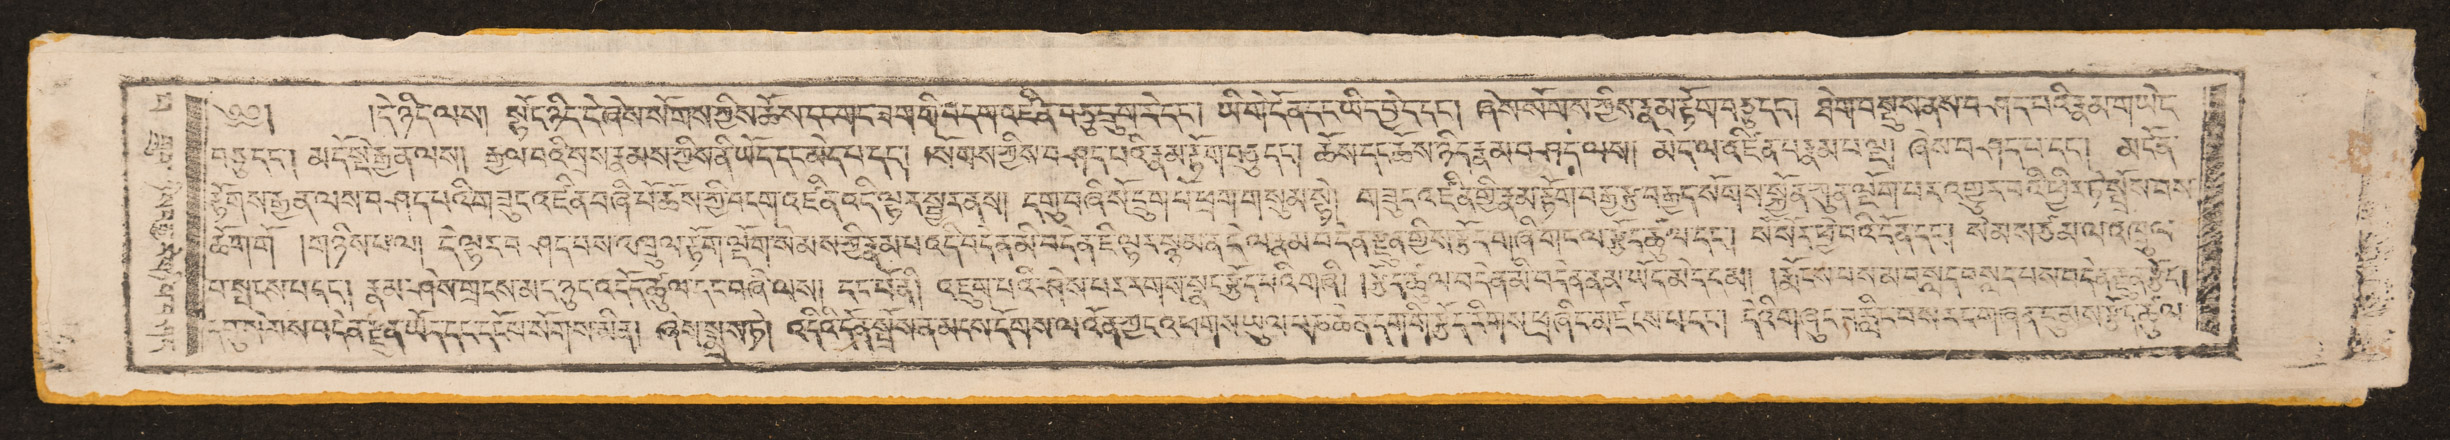༄༅། །དེ་ཉིད་ལས། སྟོང་ཉིད་དེ་ཞེས་སོགས་ཀྱིས་ཆོས་དང་གང་ཟག་གི་བདག་འཛིན་བཅུ་དྲུག་རེ་དང་། ཡི་གེ་དོན་དང་ཡིད་བྱེད་དང་། ཞེས་སོགས་ཀྱིས་རྣམ་རྟོག་བཅུ་དང་། ཐེག་བསྡུས་ནས་བཤད་པའི་རྣམ་གཡེང་
བཅུ་དང་། མདོ་སྡེ་རྒྱན་ལས། རྒྱལ་བའི་གྲས་རྣམས་ཀྱིས་ནི་ཡོད་དང་མེད་པ་དང་། །སོགས་ཀྱིས་བཤད་པའི་རྣམ་རྟོག་བཅུ་དང་། ཆོས་དང་ཆོས་ཉིད་རྣམ་བཤད་ལས། མེད་ལ་འཛིན་པ་རྣམ་པ་ལྔ། ཞེས་བཤད་པ་དང་། མངོན་
རྟོགས་རྒྱན་ལས་བཤད་པའི་གཟུང་འཛིན་བཞི་པོ་ཆོས་ཀྱི་བདག་འཛིན་འདི་ལྟར་སྦྱར་ནས། དགུ་བཞི་སོ་དྲུག་པོ་ཕྲག་གསུམ་སྟེ། གཟུང་འཛིན་གྱི་རྣམ་རྟོག་བརྒྱ་རྩ་བརྒྱད་སོགས་སྐྱོན་ཀུན་ལྡོག་པར་འགྱུར་བའི་ཕྱིར་ཏེ་སྤྲོས་པས་
ཆོག་གོ །གཉིས་པ་ལ། དེ་ལྟར་བཤད་པས་འཁྲུལ་རྟོག་ལྡོག་སེམས་ཀྱི་རྣམ་པ་འདི་བདེན་མི་བདེན་ཇི་ལྟར་སྙམ་ན་དེ་ལ་རྣམ་བདེན་རྫུན་གྱིས་རྩོད་གཞི་གང་ལ་རྩོད་ཚུལ་དང་། སོ་སོར་ཕྱེ་བའི་དོན་དང་། སེམས་ཙམ་ལ་འཁྲུལ་
པ་སྤངས་པ་དང་། རྣམ་ཤེས་གྲངས་མང་ཉུང་འདོད་ཚུལ་དང་བཞི་ལས། དང་པོ་ནི། འཇུག་པའི་ཤེས་པར་རགས་སྣང་རྩོད་པའི་གཞི། །རྩོད་ཚུལ་བདེན་མི་བདེན་ནམ་ཡོད་མེད་དམ། །རྨོངས་པས་མ་བསླད་བསླད་པས་བདེན་རྫུན་རྩོད།
དབུ་སེམས་བདེན་རྫུན་ཡོད་དང་དངོས་སོགས་མིན། ཞེས་སྨྲས་ཏེ། འདིའི་དོན་སྤྲོས་ན་མངས་དོགས་ལ་འོན་ཀྱང་འཕགས་ཡུལ་པཎ་ཆེན་དག་གི་རྩོད་རིགས་ཕྲ་ཞིང་མཛངས་པ་དང་། དེའི་གཞུང་བརླིང་བས་རང་གཞན་དུ་མས་རྩོད་ཚུལ་